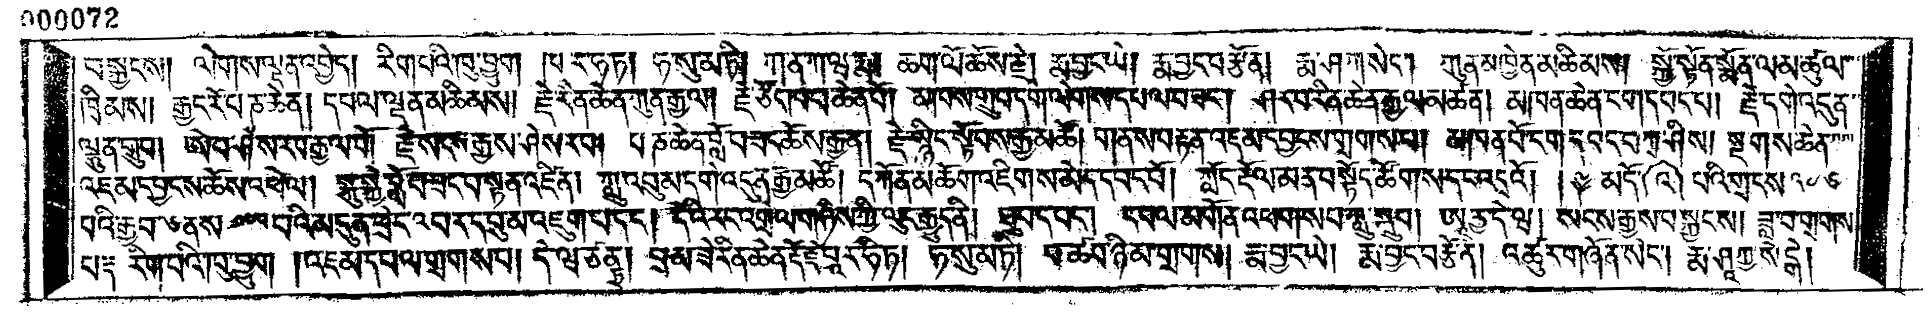བསྐྱངས། ལེགས་ལྡན་འབྱེད། རིག་པའི་ཁུ་བྱུག །པ་ར་ཧ་ཏ། ཧ་སུ་མ་ཏི། ཀ་ན་ཀ་ཝརྨ། ཆག་ལོ་ཆོས་རྗེ། རྨ་བྱང་ཡེ། རྨ་བྱང་བརྩོན། རྨ་ཤ་ཀ་སེང་། ཀུན་མཁྱེན་མཆིམས། སྐྱོ་སྟོན་སྨོན་ལམ་ཚུལ་
ཁྲིམས། རྒྱང་རོ་པཎ་ཆེན། དཔལ་ལྡན་མཆིམས། རྗེ་རིན་ཆེན་ཀུན་རྒྱལ། རྗེ་ཙོང་ཁ་པ་ཆེན་པོ། མཁས་གྲུབ་དགེ་ལེགས་དཔལ་བཟང་། ཤར་བ་རིན་ཆེན་རྒྱལ་མཚན། མཁན་ཆེན་ངག་དབང་པ། རྗེ་དགེ་འདུན་
ལྷུན་གྲུབ། ཨེ་བ་ཤེས་རབ་རྒྱལ་པོ། རྗེ་སངས་རྒྱས་ཤེས་རབ། པཎ་ཆེན་བློ་བཟང་ཆོས་རྒྱན། རྗེ་སྙིང་སྟོབས་རྒྱ་མཚོ། གནས་བརྟན་འཇམ་དབྱངས་གྲགས་པ། མཁན་པོ་ངག་དབང་བཀྲ་ཤིས། སྔགས་ཆེན་
འཇམ་དབྱངས་ཆོས་འཕེལ། སྐུ་སྐྱེ་བློ་བཟང་བསྟན་འཛིན། ཀླུ་འབུམ་དགེ་འདུན་རྒྱ་མཚོ། དཀོན་མཆོག་འཇིགས་མེད་དབང་བོ། ཀློང་རྡོལ་མན་བསྟོད་ཚོགས་དང་འདྲའོ། །༈ མདོ ༼འ༽ པའི་གྲངས ༢༤༦
པའི་རྒྱབ ༦་ནས ༡༤༥་པའི་མདུན་ཕྲེང་འབར་དབུ་མ་འཇུག་པ་དང་། དེའི་རང་འགྲེལ་གཉིས་ཀྱི་ལུང་རྒྱུད་ནི། ཐུབ་དབང་། དཔལ་མགོན་འཕགས་པ་ཀླུ་སྒྲུབ། ཨཱརྱ་དེ་ཝ། སངས་རྒྱས་བསྐྱངས། ཟླ་བ་གྲགས་
པ༑ རིག་པའི་ཁུ་བྱུག །འཇམ་དཔལ་གྲགས་པ། དེ་ཝ་ཙནྟྲ། བྲམ་ཟེ་རིན་ཆེན་རྡོ་རྗེ་པཱར་ཧི་ཏ། ཧ་སུ་མ་ཏི། བ་ཚབ་ཉི་མ་གྲགས། རྨ་བྱང་ཡེ། རྨ་བྱང་བརྩོན། འཚུར་གཞོན་སེང་། རྨ་ཤཱཀྱ་སེངྒྒེ།